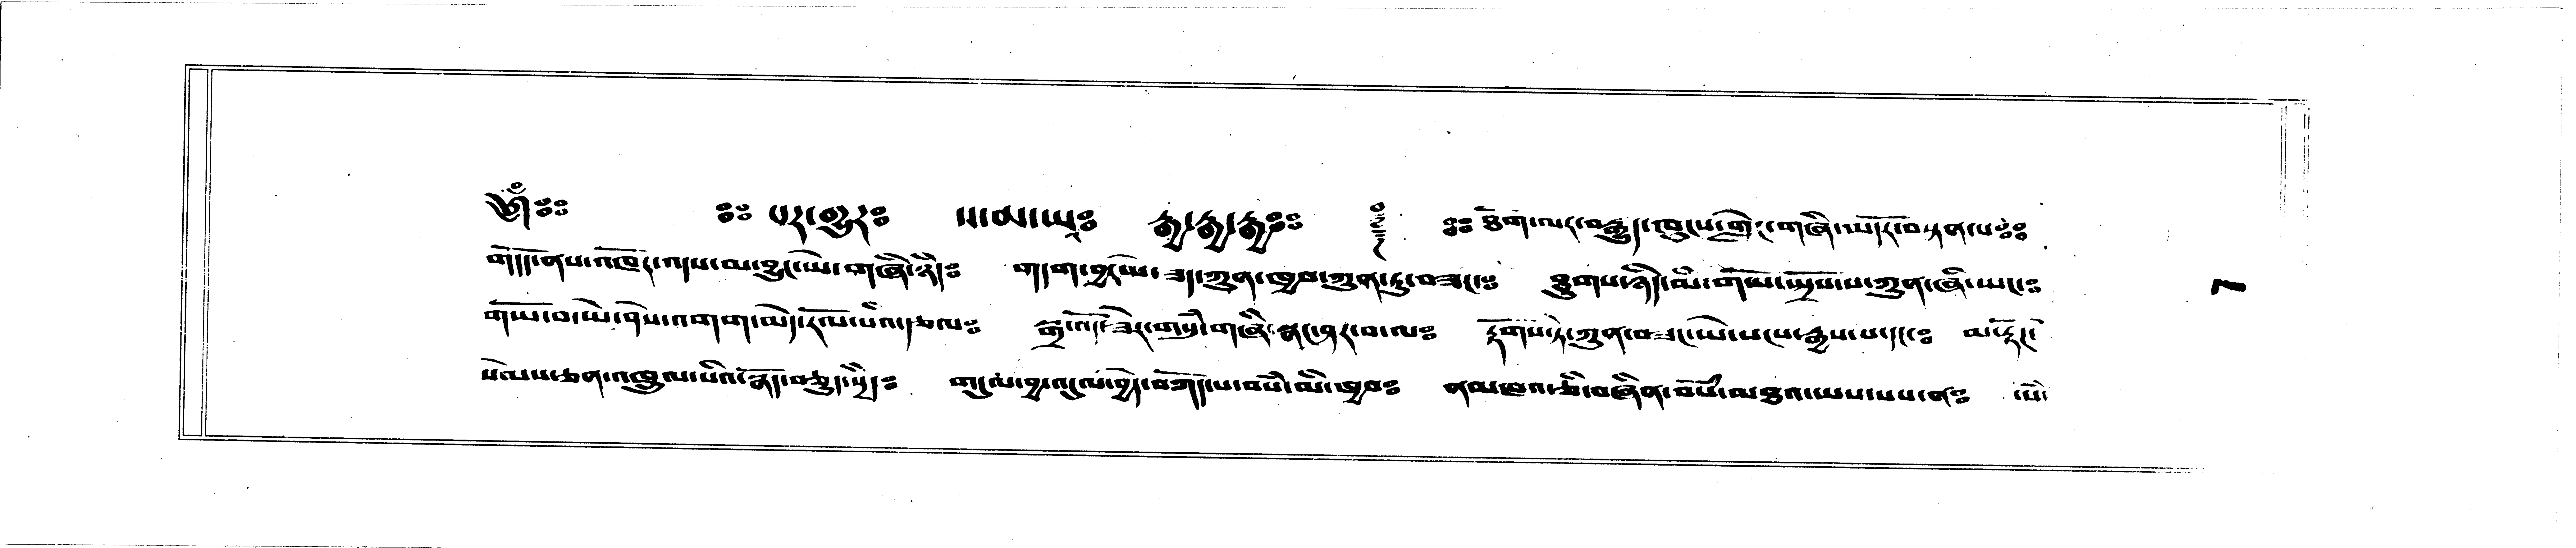པར་འགྱུརཿ ས་མ་ཡཿ རྒྱ་རྒྱ་རྒྱཿ ༈ ཐོག་མར་རྒྱུད་ཁུངས་གླེང་བཞི་མདོར་བསྟན་པཿ 
གདོད་ནས་འཁོར་འདས་མ་བྱུང་ཡེ་གཞི་ཉིདཿ གདག་བྱར་ཡེ་ཟད་ཀུན་ཁྱབ་ཀུན་ཏུ་བཟངཿ ཐུགས་ཉིད་མི་གཡོ་སྤྲོས་པ་ཀུན་ཞི་ཡངཿ
གཡོ་བ་ཡེ་ཤེས་འགག་མེད་རོལ་པའི་རྩལཿ སྒྲ་འོད་ཟེར་གསུམ་གཞི་སྣང་ཤར་བ་ལཿ རྟོགས་ཏེ་ཀུན་བཟང་ཡེ་སངས་རྒྱས་པ་དངཿ མ་རྟོགས་
སེམས་ཅན་འཁྲུལ་པའི་སྣོད་བཅུད་སྲིདཿ གདུལ་བྱ་འདུལ་བྱེད་བཀོད་པ་བསམ་མི་ཁྱབཿ ནམ་མཁའ་ཇི་བཞིན་བསམ་མཐའ་ཡས་པས་ནཿ སེམས་